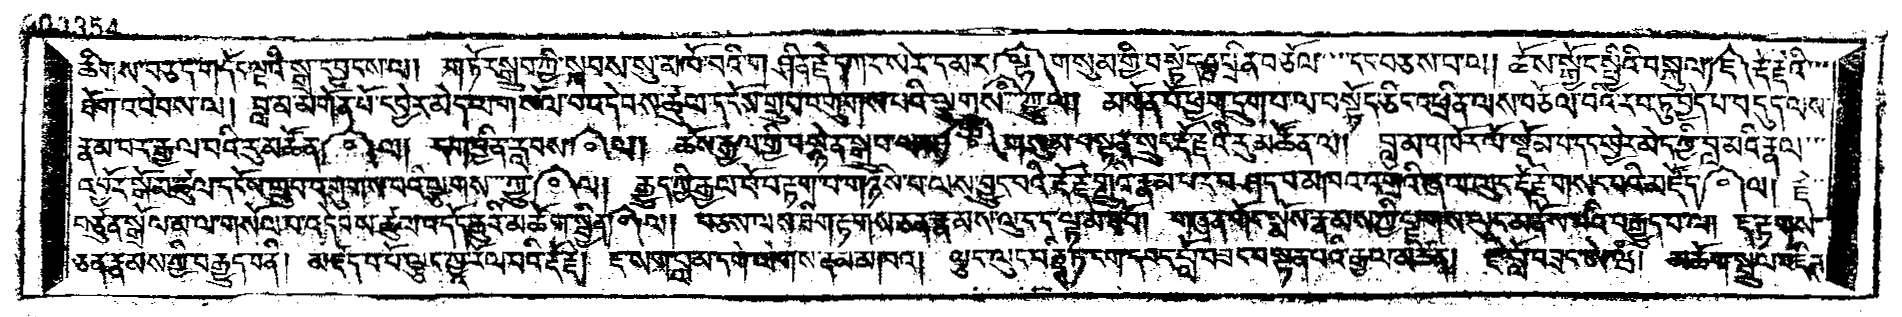ཚིགས་བཅད་གདོང་ལྔའི་སྒྲ་དབྱངས་ལ། གཏོར་སྒྲུབ་ཀྱི་སྐབས་སུ་མཁོ་བའི་གཤིན་རྗེ་དཀར་སེར་དམར ༼ལྷ༽ གསུམ་གྱི་བསྟོད་པ་འཕྲིན་བཅོལ་དང་བཅས་པ་ལ། ཆོས་སྐྱོང་སྤྱིའི་བསྐུལ ༼ཇ༽ རྡོ་རྗེའི་
ཐོག་འབེབས་ལ། བླ་མ་མགོན་པོ་དབྱེར་མེད་ལ་གསོལ་བ་འདེབས་ཚུལ་དངོས་གྲུབ་འགུགས་པའི་ལྕགས་ཀྱུ་ལ། མགོན་པོ་ཕྱག་དྲུག་པ་ལ་བསྟོད་ཅིང་འཕྲིན་ལས་བཅོལ་བའི་རབ་ཏུ་བྱེད་པ་བདུད་ལས་
རྣམ་པར་རྒྱལ་བའི་རུ་མཚོན ༼༠༽ ལ། ངག་བྱིན་རླབས ༼༠༽ ལ། ཆོས་རྒྱལ་གྱི་བསྙེན་སྒྲུབ་ལས ༼༠༽ གསུམ་བསྟན་སྲུང་རྡོ་རྗེའི་རུ་མཚོན་ལ། བླ་མ་འཁོར་ལོ་སྡོམ་པ་དང་དབྱེར་མེད་ཀྱི་བླ་མའི་རྣལ་
འབྱོར་སྒོམ་ཚུལ་དངོས་གྲུབ་འགུགས་པའི་ལྕགས་ཀྱུ ༼༠༽ ལ། རྒྱུད་ཀྱི་རྒྱལ་པོ་བརྟག་པ་གཉིས་པ་ལས་བྱུང་བའི་རྡོ་རྗེ་གླུའི་རྣམ་པར་བཤད་པ་མཁའ་འགྲོའི་ཞལ་ལུང་རྡོ་རྗེ་གསང་བའི་མཛོད ༼༠༽ ལ། རྗེ་
བཙུན་སྒྲོལ་མ་ལ་གསོལ་བ་འདེབས་ཚུལ་འདོད་རྒུའི་མཆོག་སྦྱིན ༼༠༽ ལ། བཅས་ལས་ཐིག་རྟགས་ཅན་རྣམས་ལུང་ད་ལྟ་མ་ཐོབ། གཞན་གོང་སྨོས་རྣམས་ཀྱི་ལྗགས་ལུང་མནོས་པའི་བརྒྱུད་པ་ལ། ཇ་རྟགས་
ཅན་རྣམས་ཀྱི་བརྒྱུད་པ་ནི། མཛད་པ་པོ་ལྕང་ཀྱཱ་རོལ་བའི་རྡོ་རྗེ། ཇ་སག་བླ་མ་དགེ་ལེགས་ནམ་མཁའ། ལྕང་ལུང་པཎྚི་ཏ་ངག་དབང་བློ་བཟང་བསྟན་པའི་རྒྱལ་མཚན། རྗེ་བློ་བཟང་ཨེ་ཝཾ། མཆོག་སྤྲུལ་འཇིཌ་